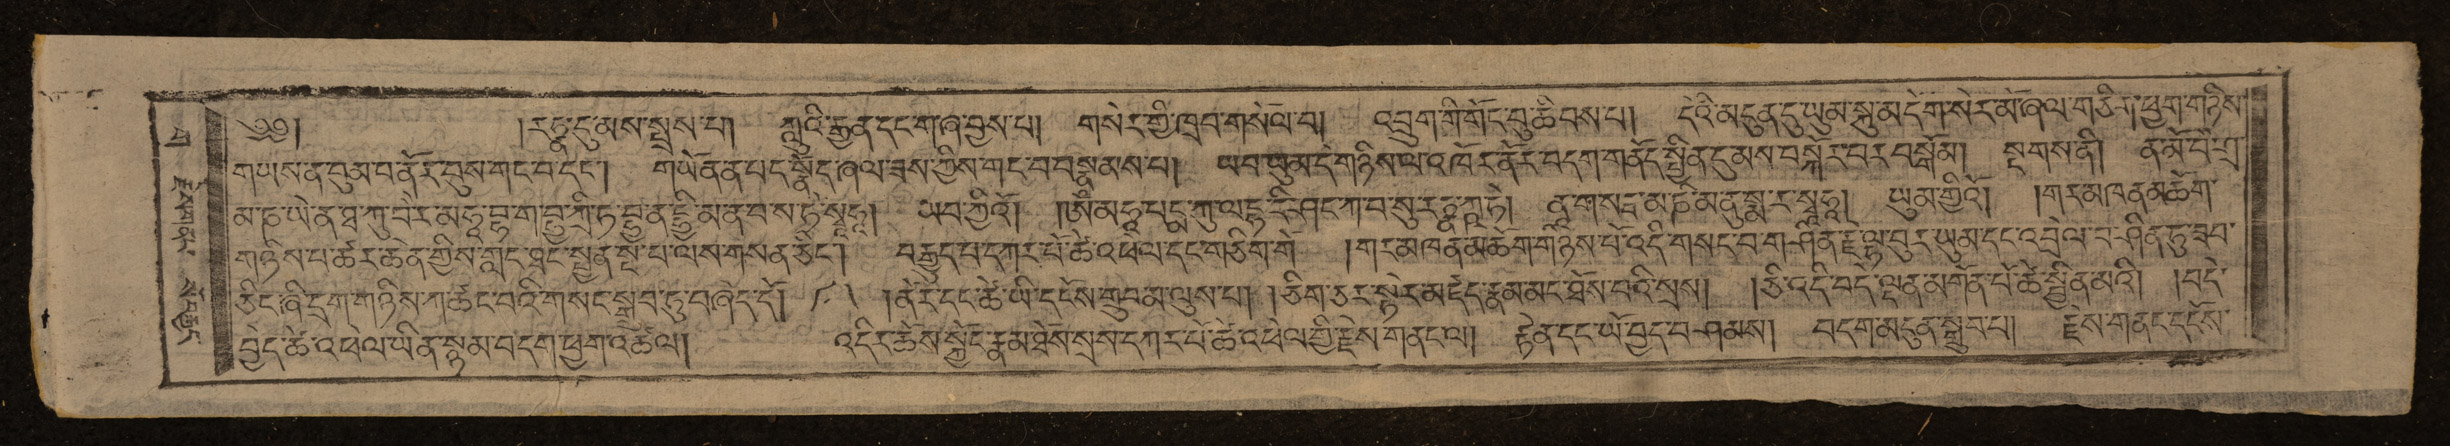༄༅། །རཏྣ་དུ་མས་སྤྲས་པ། ཀླུའི་རྒྱན་དང་ག་ཞ་བྱས་པ། གསེར་གྱི་ཁྲབ་གསོལ་བ། འབྲུག་གི་གོང་བུ་ཆིབས་པ། དེའི་མདུན་དུ་ཡུམ་སྐུ་མདོག་སེར་མོ་ཞལ་གཅིག་ཕྱག་གཉིས་
གཡས་ན་བུམ་བ་ནོར་བུས་གང་བ་དང་། གཡོན་ན་པད་སྣོད་ཞལ་ཟས་ཀྱིས་གང་བ་བསྣམས་པ། ཡབ་ཡུམ་དེ་གཉིས་ལ་འཁོར་ནོར་བདག་གནོད་སྦྱིན་དུ་མས་བསྐོར་བར་བསྒོམ། སྔགས་ནི། ན་མོ་བཻ་ཤྲ་
མ་ཎ་ཡེ་ན་ཐ་ཀུ་བཻ་ར་མཧཱ་བྷ་ག་བྷྱ་ཀྲི་ཏ་བྷྱ་ན་དྷྱི་མ་ན་བ་ས་ཏེ་སྭཱཧཱ། ཡབ་ཀྱིའོ། །ཨོཾ་མཧཱ་པདམ་ཀུ་ལ་དྷ་རི་ཤང་ཀ་བ་སུ་རཏྣ་ཀྵ་ཏེ། ནཱ་ག་སརྦ་མ་ཎི་མ་ནུ་སྨ་ར་སྭཱཧཱ། ཡུམ་གྱིའོ། །གར་མཁན་མཆོག་
གཉིས་པ་ཚར་ཆེན་གྱིས་གླང་ཐང་སྤྱན་སྔ་པ་ལས་གསན་ཅིང་། བརྒྱུད་པ་དཀར་པོ་ཚེ་འཕེལ་དང་གཅིག་གོ །གར་མཁན་མཆོག་གཉིས་པོ་འདི་གསང་བ་གཤིན་རྗེ་ལྟ་བུར་ཡུམ་དང་འབྲེལ་པ་ཤིན་ཏུ་ཟབ་
ཅིང་ཞི་དྲག་གཉིས་ཀ་ཚང་བའི་གསང་སྒྲུབ་ཏུ་བཞེད་དོ། ༡༣?་།ནོར་དང་ཚེ་ཡི་དངོས་གྲུབ་མ་ལུས་པ། །ཅིག་ཅར་སྟེར་མཛད་རྣམ་མང་ཐོས་པའི་སྲས། །ཅི་འདི་བདེ་ལྡན་མགོན་པོ་ཚེ་སྦྱིན་མའི། །བདེ་
བྱེད་ཚེ་འཕེལ་ཡིན་སྙམ་བདག་ཕྱག་འཚལ། འདིར་ཆོས་སྐྱོང་རྣམ་ཐོས་སྲས་དཀར་པོ་ཚེ་འཕེལ་གྱི་རྗེས་གནང་ལ། རྟེན་དང་ཡོ་བྱད་བཤམས། བདག་མདུན་སྒྲུབ་པ། རྗེས་གནང་དངོས་